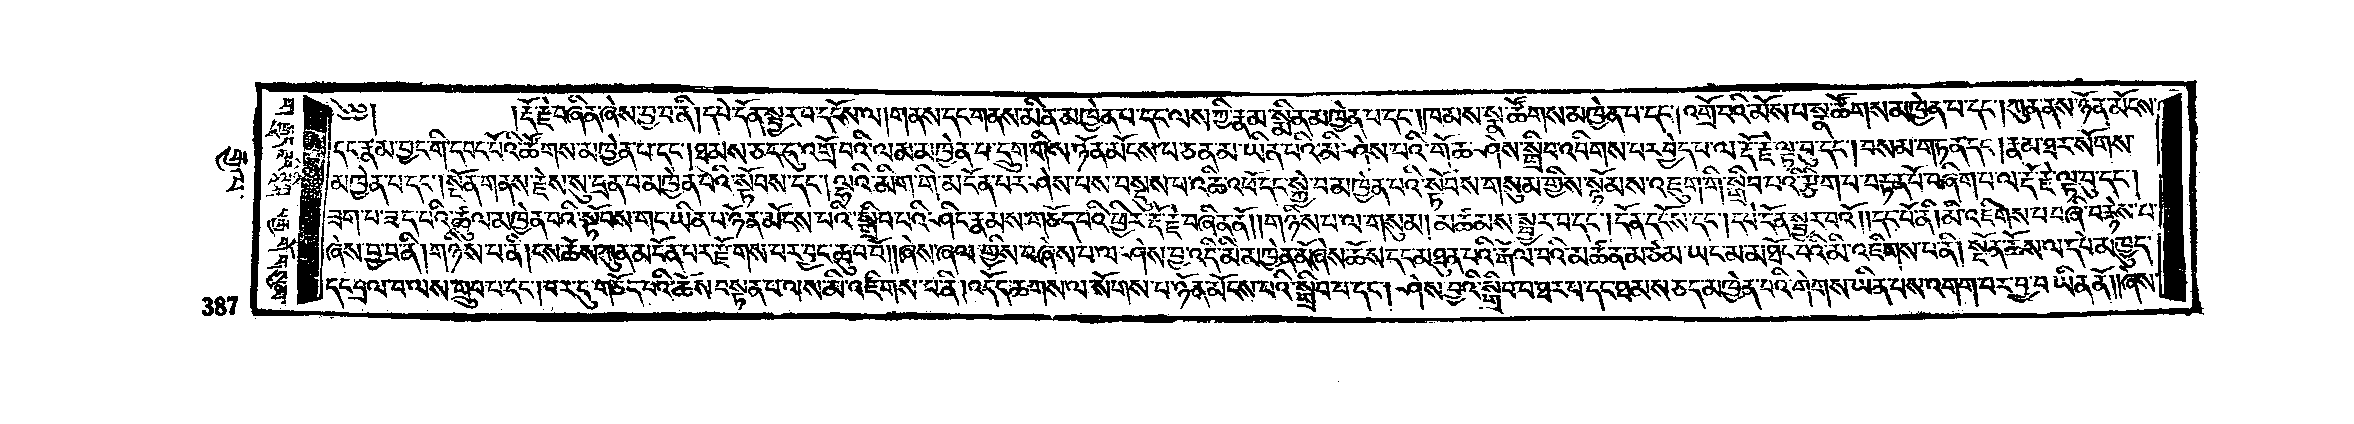༄༅། །རྡོ་རྗེ་བཞིན་ཞེས་བྱ་བ་ནི། དཔེ་དོན་སྦྱར་བ་དངོས་ལ། གནས་དང་གནས་མིན་མཁྱེན་པ་དང་ལས་ཀྱི་རྣམ་སྨིན་མཁྱེན་པ་དང་། ཁམས་སྣ་ཚོགས་མཁྱེན་པ་དང་། འགྲོ་བའི་མོས་པ་སྣ་ཚོགས་མཁྱེན་པ་དང་། ཀུན་ནས་ཉོན་མོངས་
དང་རྣམ་བྱང་གི་དབང་པོའི་ཚོགས་མཁྱེན་པ་དང་། ཐམས་ཅད་དུ་འགྲོ་བའི་ལམ་མཁྱེན་པ་དྲུག་གིས་ཉོན་མོངས་པ་ཅན་མ་ཡིན་པའི་མི་ཤེས་པའི་གོ་ཆ་ཤེས་སྒྲིབ་འབིགས་པར་བྱེད་པ་ལ་རྡོ་རྗེ་ལྟ་བུ་དང་། བསམ་གཏན་དང་། རྣམ་ཐར་སོགས་
མཁྱེན་པ་དང་། སྔོན་གནས་རྗེས་སུ་དྲན་པ་མཁྱེན་པའི་སྟོབས་དང་། ལྷའི་མིག་གི་མངོན་པར་ཤེས་པས་བསྡུས་པ་འཆི་འཕོ་དང་སྐྱེ་བ་མཁྱེན་པའི་སྟོབས་གསུམ་གྱིས་སྙོམས་འཇུག་གི་སྒྲིབ་པའི་རྩིག་པ་བརྟན་པོ་བཞིག་པ་ལ་རྡོ་རྗེ་ལྟ་བུ་དང་།
ཟག་པ་ཟད་པའི་ཚུལ་མཁྱེན་པའི་སྟོབས་གང་ཡིན་པ་ཉོན་མོངས་པའི་སྒྲིབ་པའི་ཤིང་རྣམས་གཅོད་པའི་ཕྱིར་རྡོ་རྗེ་བཞིན་ནོ། །གཉིས་པ་ལ་གསུམ། མཚམས་སྦྱར་བ་དང་། དོན་དངོས་དང་། དཔེ་དོན་སྦྱར་བའོ། །དང་པོ་ནི། མི་འཇིགས་པ་བཞི་བརྙེས་པ་
ཞེས་བྱ་བ་ནི། གཉིས་པ་ནི། ངས་ཆོས་ཀུན་མངོན་པར་རྫོགས་པར་བྱང་ཆུབ་པའོ། །ཞེས་ཞལ་གྱིས་བཞེས་པ་ལ་ཤེས་བྱ་འདི་མི་མཁྱེན་མོ་ཞེས་ཆོས་དང་མཐུན་པའི་རྒོལ་བའི་མཚན་མ་ཙམ་ཡང་མ་མཐོང་བའི་མི་འཇིགས་པ་ནི། སྔོན་ཆོས་ལ་དཔེ་མཁྱུད་
དང་བྲལ་བ་ལས་གྲུབ་པ་དང་། བར་དུ་གཅོད་པའི་ཆོས་བསྟན་པ་ལས་མི་འཇིགས་པ་ནི། འདོད་ཆགས་ལ་སོགས་པ་ཉོན་མོངས་པའི་སྒྲིབ་པ་དང་། ཤེས་བྱའི་སྒྲིབ་པ་ཐར་པ་དང་ཐམས་ཅད་མཁྱེན་པའི་གེགས་ཡིན་པས་འགག་པར་བྱ་བ་ཡིན་ནོ། །ཞེས་